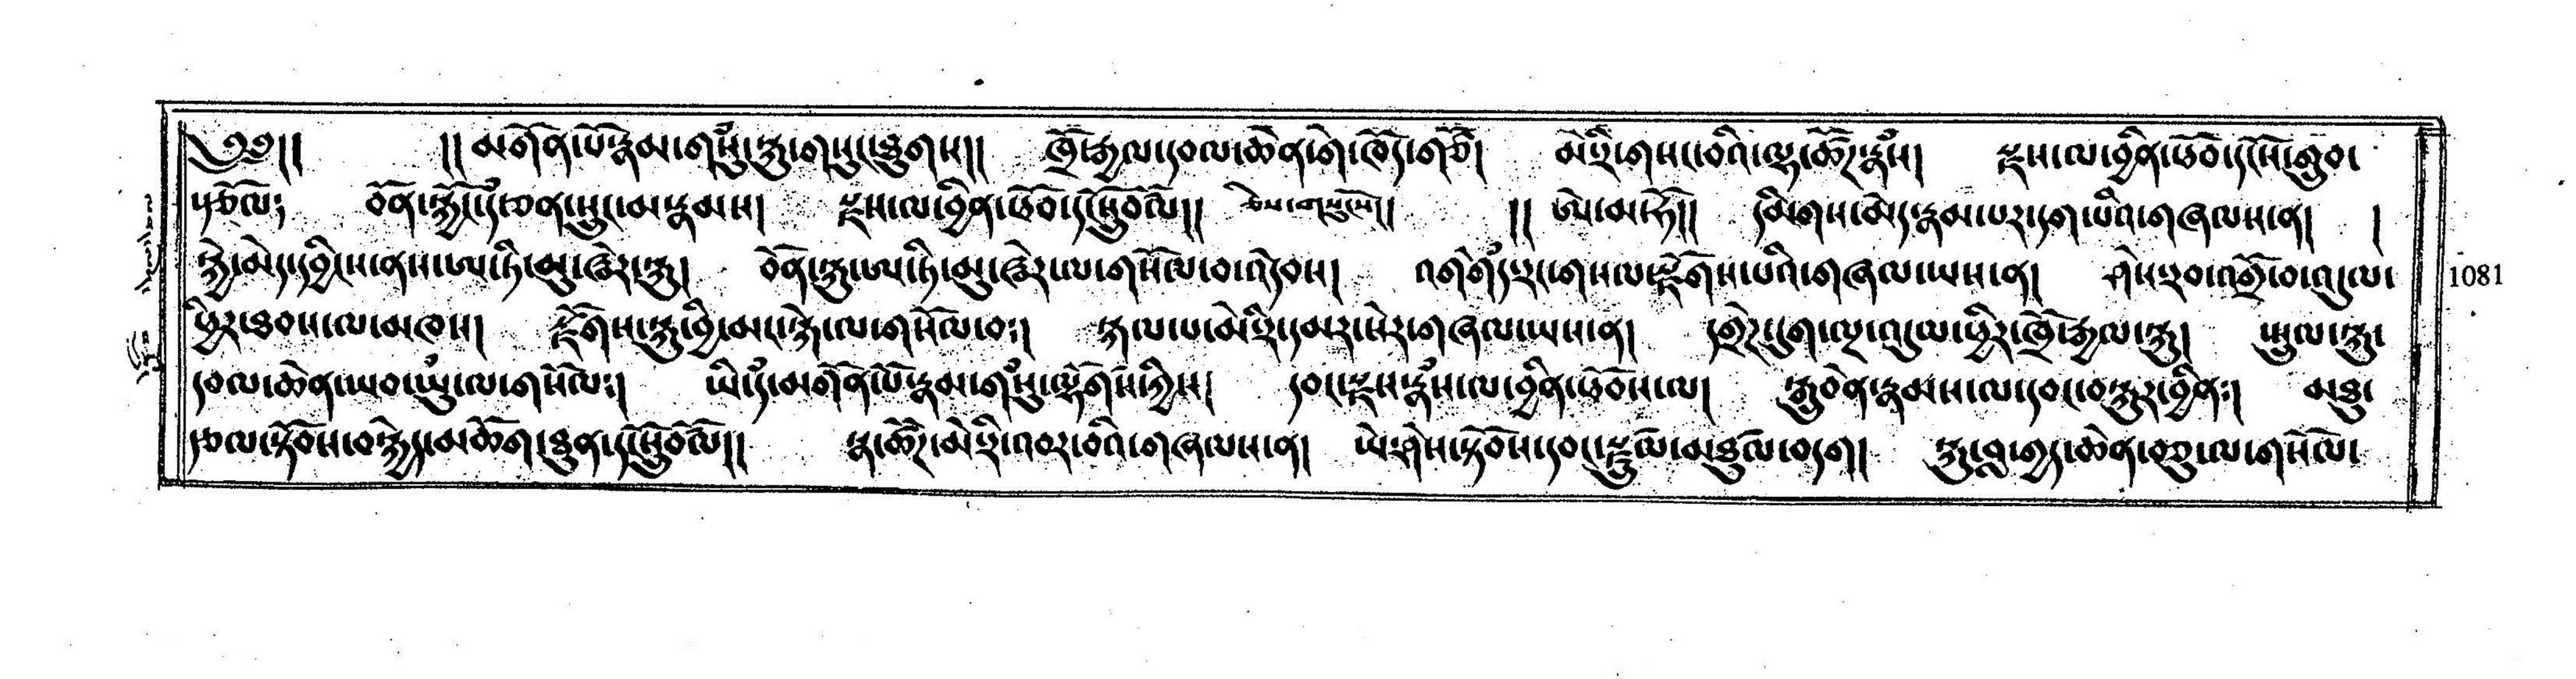།།མགོན་པོ་རྣམ་གསུམ་སྐུ་གསུང་ཐུགས།། ཁྲོ་རྒྱལ་དབལ་ཆེན་གེ་ཁོད་གཙོ། མེ་རི་གསང་བའི་ལྷ་ཚོགས་རྣམས། རྫས་ལ་བྱིན་ཕོབ་དངོས་གྲུབ་
སྩོལ། བོན་སྐྱོང་དམ་ཅན་སྲུང་མ་རྣམས། རྫས་ལ་བྱིན་ཕོབ་དངོས་གྲུབ་སྩོལ།། ཅེས་གསུངས་སོ།། །།ཨེ་མ་ཧོ།། དམིགས་མེད་རྣམ་པར་དག་པའི་གཞལ་ཡས་ན། 
སྐྱེ་མེད་དབྱིངས་ནས་ཨ་ཏི་མུ་ཝེར་སྐུ། བོན་སྐུ་ཨ་ཏི་མུ་ཝེར་ལ་གསོལ་བ་འདེབས། འགག་མེད་རང་གསལ་རྫོགས་པའི་གཞལ་ཡས་ན། ཤེས་རབ་འགྲོ་བ་འདུལ་
ཕྱིར་ཐབས་ལ་མཁས། རྫོགས་སྐུ་ཀུ་བྱི་མང་སྐེ་ལ་གསོལ་བ༴། སྐལ་པ་མེ་རི་དམར་སེར་གཞལ་ཡས་ན། དགྲ་བགེགས་དུག་ལྔ་འདུལ་ཕྱིར་ཁྲོ་རྒྱལ་སྐུ། སྤྲུལ་སྐུ་
དབལ་ཆེན་ཡབ་ཡུམ་ལ་གསོལ༴། ཡི་དམ་མགོན་པོ་རྣམ་གསུམ་ལྷ་ཚོགས་ཀྱིས། དབང་རྫས་རྣམས་ལ་བྱིན་ཕོབས་ལ། སྒྲུབ་གཤེན་རྣམས་ལ་དབང་བསྐུར་བྱིན༴། མཐུ་
རྩལ་སྟོབས་བསྐྱེད་མཆོག་ཐུན་དངོས་གྲུབ་སྩོལ།། སྣ་ཚོགས་མེ་རི་འབར་བའི་གཞལ་ཡས་ན། ཡེ་ཤེས་སྟོབས་དབང་རྫུ་འཕྲུལ་མཐུ་རྩལ་བདག སྐུ་བླ་གྱད་ཆེན་བཅུ་ལ་གསོལ་